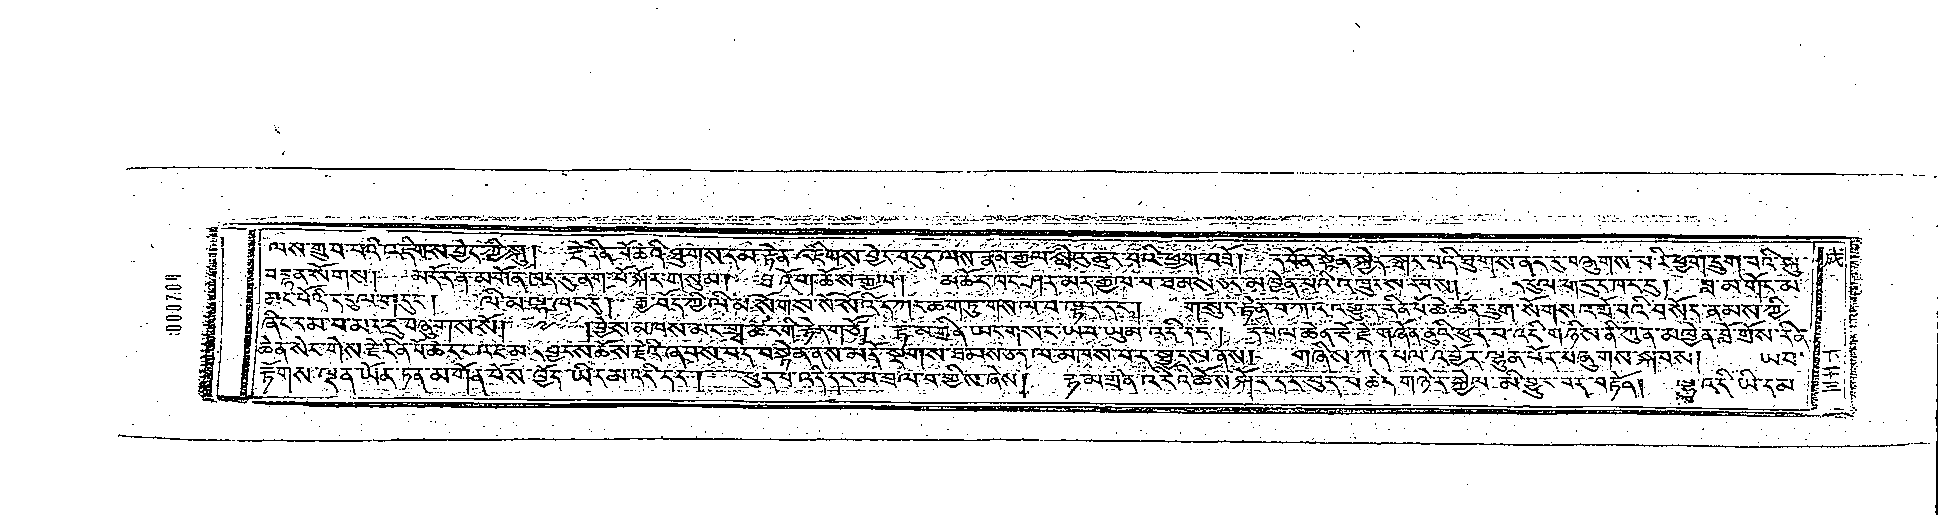ལས་གྲུབ་པའི་འཇིགས་བྱེད་ཀྱི་སྐུ། རྗེ་རིན་པོ་ཆེའི་ཐུགས་དམ་རྟེན་འཇིགས་བྱེད་བདུད་ལས་རྣམ་རྒྱལ་སླེའུ་ཆུང་བའི་ཕྱག་བཟོ། དབོན་སྟོན་སྐྱེར་སྒང་པའི་ཐུགས་ནང་དུ་བཞུགས་པ་རི་ཕྱག་དྲུག་པའི་སྐུ་
བརྙན་སོགས། མངོར་ན་མགོན་ལང་དུ་ནག་པོ་སྐོར་གསུམ། ཐ་འོག་ཆོས་རྒྱལ། མཆོད་ཁང་ཤར་མར་རྒྱལ་བ་ཐམས་ཅད་མཁྱེན་པའི་འཁྲུངས་རབས། དངུལ་གདུང་ཁང་དུ། བླ་མ་གོང་མ་
མང་པོའི་དངུལ་གདུང་། ལི་མ་ལྷ་ཁང་དུ། རྒྱ་བོད་ཀྱི་ལི་མ་སོགས་སོ་སོའི་དཀར་ཆག་ཏུ་གསལ་བ་ལྟར་དང་། གསུང་རྟེན་བཀའ་འགྱུར་རིན་པོ་ཆེ་ཚད་དྲུག་སོགས་འགྲོ་བའི་བསོད་ནམས་ཀྱི་
ཞིང་དམ་བ་མང་དུ་བཞུགས་སོ། ༧་།བྱེས་མཁས་མང་གྲྭ་ཚང་གི་རྟེན་གཙོ། རྟ་མགྲིན་ཡང་གསང་ཡབ་ཡུམ་འདི་དང་། དཔལ་ཆེན་རྡོ་རྗེ་གཞོན་ནུའི་ཕུར་པ་འདི་གཉིས་ནི་ཀུན་མཁྱེན་བློ་གྲོས་རིན་
ཆེན་སེང་གེས་རྗེ་རིན་པོ་ཆེ་དང་འཇམ་དབྱངས་ཆོས་རྗེའི་ཞབས་པད་བསྟེན་ནས་མདོ་སྔགས་ཐམས་ཅད་ལ་མཁས་པར་སྦྱངས་ནས། གཞིས་ཀ་དཔལ་འབྱོར་ལྷུན་པོར་བཞུགས་སྐབས། ཡབ་
རྟོགས་ལྡན་ཡོན་ཏན་མགོན་པོས་ཁྱོད་ཡི་དམ་འདི་དང་། ཕུར་པ་འདི་དང་མ་བྲལ་བ་གྱིས་ཞེས། རྟ་མགྲིན་འདིའི་ཆོས་སྐོར་དང་ཕུར་པ་ཆེད་གཉེར་སྐྱེལ་མི་བྱུང་བར་བརྟོན། ལྷ་འདི་ཡི་དམ་